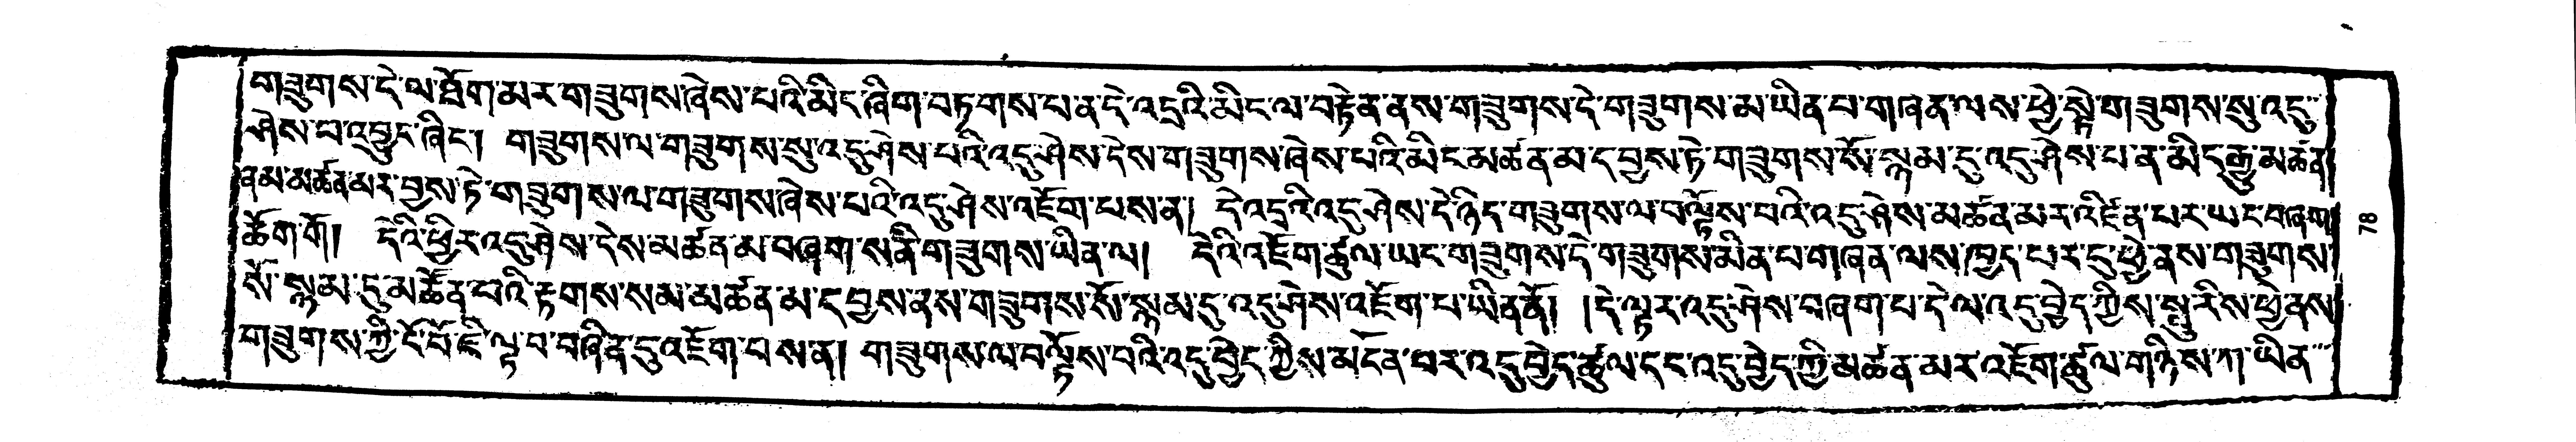གཟུགས་དེ་ལ་ཐོག་མར་གཟུགས་ཞེས་པའི་མིང་ཞིག་བཏགས་པ་ན་དེ་འདྲའི་མིང་ལ་བརྟེན་ནས་གཟུགས་དེ་གཟུགས་མ་ཡིན་པ་གཞན་ལས་ཕྱེ་སྟེ་གཟུགས་སུ་འདུ་
ཤེས་པ་འབྱུང་ཞིང་། གཟུགས་ལ་གཟུགས་སུ་འདུ་ཤེས་པའི་འདུ་ཤེས་དེས་གཟུགས་ཞེས་པའི་མིང་མཚན་མ་དབྱས་ཏེ་གཟུགས་སོ་སྙམ་དུ་འདུ་ཤེས་པ་ན་མིང་རྒྱུ་མཚན་
ནམ་མཚན་མར་བྱས་ཏེ་གཟུགས་ལ་གཟུགས་ཞེས་པའི་འདུ་ཤེས་འཇོག་པས་ན། དེ་འདྲའི་འདུ་ཤེས་དེ་ཉིད་གཟུགས་ལ་བལྟོས་པའི་འདུ་ཤེས་མཚན་མར་འཛིན་པར་ཡང་བཞག་
ཆོག་གོ །དེའི་ཕྱིར་འདུ་ཤེས་དེས་མཚན་མ་བཞག་ས་ནི་གཟུགས་ཡིན་ལ། དེའི་འཇོག་ཚུལ་ཡང་གཟུགས་དེ་གཟུགས་མིན་པ་གཞན་ལས་ཁྱད་པར་དུ་ཕྱེ་ནས་གཟུགས་
སོ་སྙམ་དུ་མཚོན་པའི་རྟགས་སམ་མཚན་མ་དབྱས་ནས་གཟུགས་སོ་སྙམ་དུ་འདུ་ཤེས་འཇོག་པ་ཡིན་ནོ། །དེ་ལྟར་འདུ་ཤེས་བཞག་པ་དེ་ལ་འདུ་བྱེད་ཀྱིས་སྤུ་རིས་ཕྱེ་ནས་
གཟུགས་ཀྱི་ངོ་བོ་ཇི་ལྟ་བ་བཞིན་དུ་འཇོག་པས་ན། གཟུགས་ལ་བལྟོས་པའི་འདུ་བྱེད་ཀྱིས་མངོན་པར་འདུ་བྱེད་ཚུལ་དང་འདུ་བྱེད་ཀྱི་མཚན་མར་འཇོག་ཚུལ་གཉིས་ཀ་ཡིན་